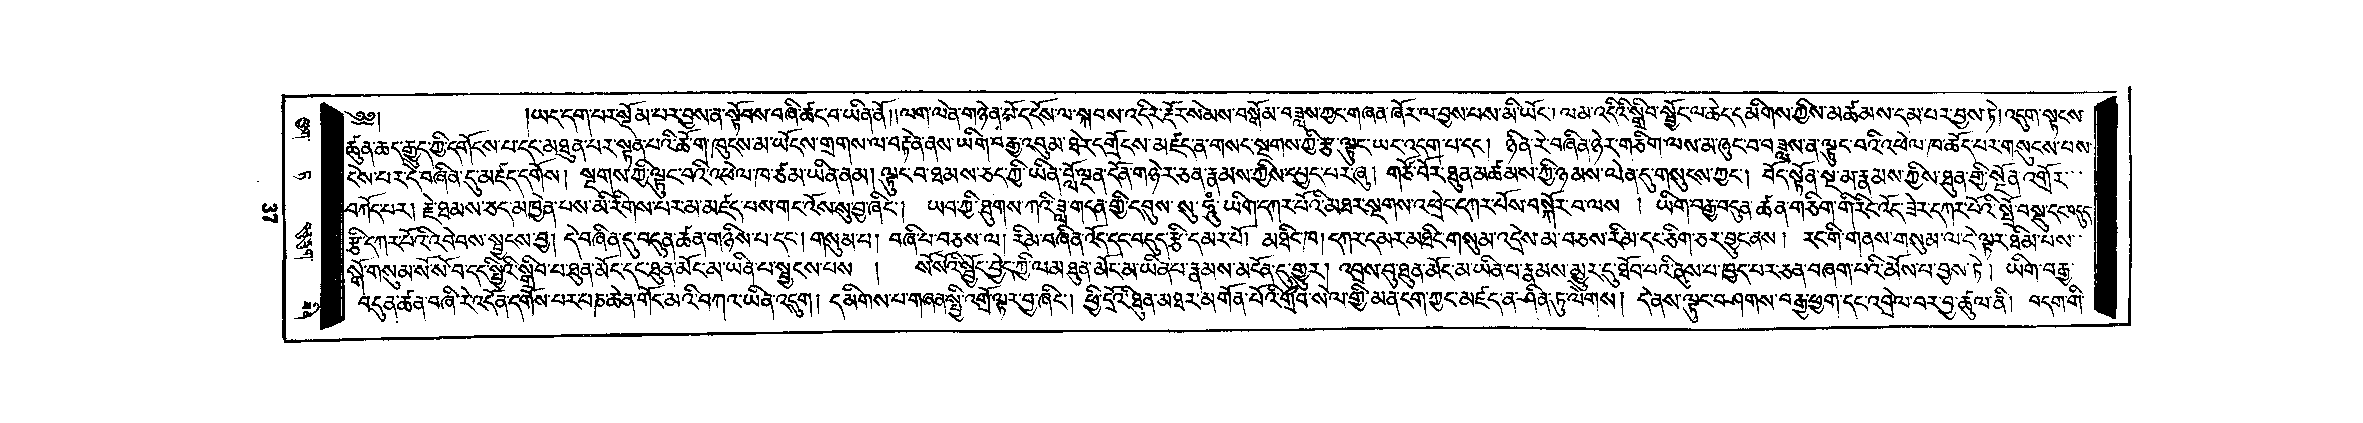༄༅། །ཡང་དག་པར་སྡོམ་པར་བྱས་ན་སྟོབས་བཞི་ཚང་བ་ཡིན་ནོ། །ལག་ལེན་གཉེན་པོ་དངོས་ལ་སྐབས་འདིར་རྡོར་སེམས་བསྒོམ་བཟླས་ཀྱང་གཞན་ཞོར་ལ་བྱས་པས་མི་ཡོང་། ལམ་འདིའི་སྒྲིབ་སྦྱོང་ལ་ཆེད་དམིགས་ཀྱིས་མཚམས་དམ་པར་བྱས་ཏེ། འདུག་སྟངས་
ཚུན་ཆད་རྒྱུད་ཀྱི་དགོངས་པ་དང་མཐུན་པར་སྟན་པའི་ཆོ་ག་ཁུངས་མ་ཡོངས་གྲགས་ལ་བརྟེན་ནས་ཡིག་བརྒྱ་འབུམ་ཐེར་དགྲོངས་མཛད་ན་གསང་སྔགས་ཀྱི་རྩ་ལྟུང་ཡང་འདག་པ་དང་། ཉིན་རེ་བཞིན་ཉེར་གཅིག་ལས་མ་ཉུང་བ་བཟླས་ན་ལྟུང་བའི་འཕེལ་ཁ་ཆོད་པར་གསུངས་པས་
ངེས་པར་དེ་བཞིན་དུ་མཛད་དགོས། སྔགས་ཀྱི་ལྟུང་བའི་འཕེལ་ཁ་ཙམ་ཡིན་ནམ། ལྟུང་བ་ཐམས་ཅད་ཀྱི་ཡིན་བློ་ལྡན་དོན་གཉེར་ཅན་རྣམས་ཀྱིས་དཔྱད་པར་ཞུ། གཙོ་བོར་ཐུན་མཚམས་ཀྱི་ཉམས་ལེན་དུ་གསུངས་ཀྱང་། བོད་སྟོན་སྔ་མ་རྣམས་ཀྱིས་ཐུན་གྱི་སྔོན་འགྲོར་
བཀོད་པར། རྗེ་ཐམས་ཅད་མཁྱེན་པས་མི་རིགས་པར་མ་མཛད་པས་གང་འོས་སུ་བྱ་ཞིང་། ཡབ་ཀྱི་ཐུགས་ཀའི་ཟླ་གདན་གྱི་དབུས་སུ་ཧཱུཾ་ཡིག་དཀར་པོའི་མཐར་སྔགས་འཕྲེང་དཀར་པོས་བསྐོར་བ་ལས། ཡིག་བརྒྱ་བདུན་ཚན་གཅིག་གི་རིང་འོད་ཟེར་དཀར་པོའི་སྤྲོ་བསྡུ་དང་བདུད་
རྩི་དཀར་པོའི་འབེབས་སྦྱངས་བྱ། དེ་བཞིན་དུ་བདུན་ཚན་གཉིས་པ་དང་། གསུམ་པ། བཞི་པ་བཅས་ལ། རིམ་བཞིན་འོད་དང་བདུད་རྩི་དམར་པོ། མཐིང་ཁ། དཀར་དམར་མཐིང་གསུམ་འདྲེས་མ་བཅས་རིམ་དང་ཅིག་ཅར་བྱུང་ནས། རང་གི་གནས་གསུམ་ལ་དེ་ལྟར་ཐིམ་པས་
སྒོ་གསུམ་སོ་སོ་བ་དང་སྤྱིའི་སྒྲིབ་པ་ཐུན་མོང་དང་ཐུན་མོང་མ་ཡིན་པ་སྦྱངས་པས། སོ་སོའི་སྦྱོང་བྱེད་ཀྱི་ལམ་ཐུན་མོང་མ་ཡིན་པ་རྣམས་མངོན་དུ་གྱུར། འབྲས་བུ་ཐུན་མོང་མ་ཡིན་པ་རྣམས་མྱུར་དུ་ཐོབ་པའི་ནུས་པ་ཁྱད་པར་ཅན་བཞག་པའི་མོས་པ་བྱས་ཏེ། ཡིག་བརྒྱ་
བདུན་ཚན་བཞི་རེ་འདོན་དགོས་པར་པཎ་ཆེན་གོང་མའི་བཀའ་ཡིན་འདུག །དམིགས་པ་གཞན་སྤྱི་འགྲོ་ལྟར་བྱ་ཞིང་། ཕྱི་དྲོའི་ཐུན་མཐར་མགོན་པོའི་གྲིབ་སེལ་གྱི་མན་ངག་ཀྱང་མཛད་ན་ཤིན་ཏུ་ལེགས། དེ་ནས་ལྟུང་བཤགས་བརྒྱ་ཕྱག་དང་འབྲེལ་བར་བྱ་ཚུལ་ནི། བདག་གི་